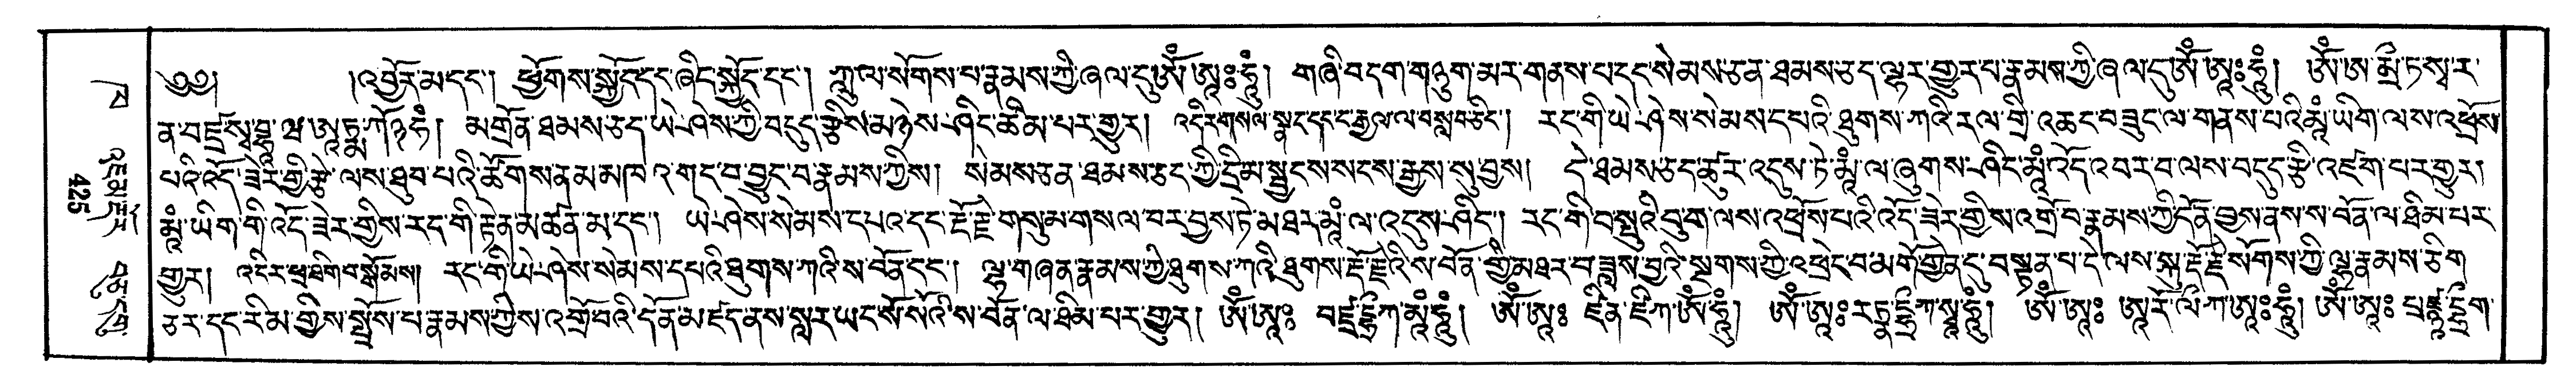༄༅། །འབྱོར་མ་དང་། ཕྱོགས་སྐྱོང་དང་ཞིང་སྐྱོང་དང་། ཀླུ་ལ་སོགས་པ་རྣམས་ཀྱི་ཞལ་དུ་ཨོཾ་ཨཱཿ ཧཱུཾ། གཞི་བདག་གཉུག་མར་གནས་པ་དང་སེམས་ཅན་ཐམས་ཅད་ལྷར་གྱུར་པ་རྣམས་ཀྱི་ཞལ་དུ་ཨོཾ་ཨཱཿ ཧཱུཾ། ཨོཾ་ཨ་མྲྀ་ཏ་སྭ་ད་
ན་བཛྲ་སྭ་བྷཱ་ཝ་ཨཱཏྨ་ཀོཉྷཾ། མགྲོན་ཐམས་ཅད་ཡེ་ཤེས་ཀྱི་བདུད་རྩིས་མཉེས་ཤིང་ཚིམ་པར་གྱུར། འདིར་གསལ་སྣང་དང་ང་རྒྱལ་ལ་བསླབ་ཅིང་། རང་གི་ཡེ་ཤེས་སེམས་དཔའི་ཐུགས་ཀའི་རལ་གྲི་འཆང་བཟུང་ལ་གནས་པའི་མཱཾ་ཡིག་ལས་འཕྲོས་
པའི་འོད་ཟེར་གྱི་རྩེ་ལས་ཐུབ་པའི་ཚོགས་ནམ་མཁའ་གང་འབྱུང་བ་རྣམས་ཀྱིས་།སེམས་ཅན་ཐམས་ཅད་ཀྱི་དྲི་མ་སྦྱངས་སངས་རྒྱས་སུ་བྱས། དེ་ཐམས་ཅ་ཚུར་འདུས་ཏེ་མཱཾ་ལ་ཞུགས་ཤིང་མཱཾ་འོད་འབར་བ་ལས་བདུད་རྩི་འཛག་པར་གྱུར།
མཱཾ་ཡིག་གི་འོད་ཟེར་གྱིས་རང་གི་རྟེན་མཚན་མ་དང་། ཡེ་ཤེས་སེམས་དཔའ་དང་རྡོ་རྗེ་གསུམ་གསལ་བར་བྱས་ཏེ་མཐར་མཱཾ་ལ་འདུས་ཤིང་། རང་གི་བ་སྤུའི་བུ་ག་ལས་འཕྲོས་པའི་འོད་ཟེར་གྱིས་འགྲོ་བ་རྣམས་ཀྱི་དོན་བྱས་ནས་ས་བོན་ལ་ཐིམ་པར་
གྱུར། འདིར་ཕྲ་ཐིག་བསྒོམས། རང་གི་ཡེ་ཤེས་སེམས་དཔའི་ཐུགས་ཀའི་ས་བོན་དང་། ལྷ་གཞན་རྣམས་ཀྱི་ཐུགས་ཀའི་ཐུགས་རྡོ་རྗེའི་ས་བོན་གྱི་མཐར་བཟླས་བྱའི་སྔགས་ཀྱི་འཕྲེང་བ་མགོ་གྱེན་དུ་བསྟན་པ་དེ་ལས་སྐུ་རྡོ་རྗེ་སོགས་ཀྱི་ལྷ་རྣམས་ཅིག་
ཅར་དང་རིམ་གྱིས་སྤྲོས་པ་རྣམས་ཀྱིས་འགྲོ་བའི་དོན་མཛད་ནས་སླར་ཡང་སོ་སོའི་ས་བོན་ལ་ཐིམ་པར་གྱུར། ཨོཾ་ཨཱཿ བཛྲ་དྷྲྀ་ཀ་མཱཾ་ཧཱུཾ། ཨོཾ་ཨཱཿ ཛི་ན་ཛི་ཀ་ཨོཾ་ཧཱུཾ། ཨོཾ་ཨཱཿ རཏྣ་དྷྲྀ་ཀ་སྭཱ་ཧཱུཾ། ཨོཾ་ཨཱཿ ཨཱ་རོ་ལཾ་ཀ་ཨཱཿ ཧཱུཾ། ཨོཾ་ཨཱཿ པྲཛྙཱ་དྷྲྀ་ཀ་